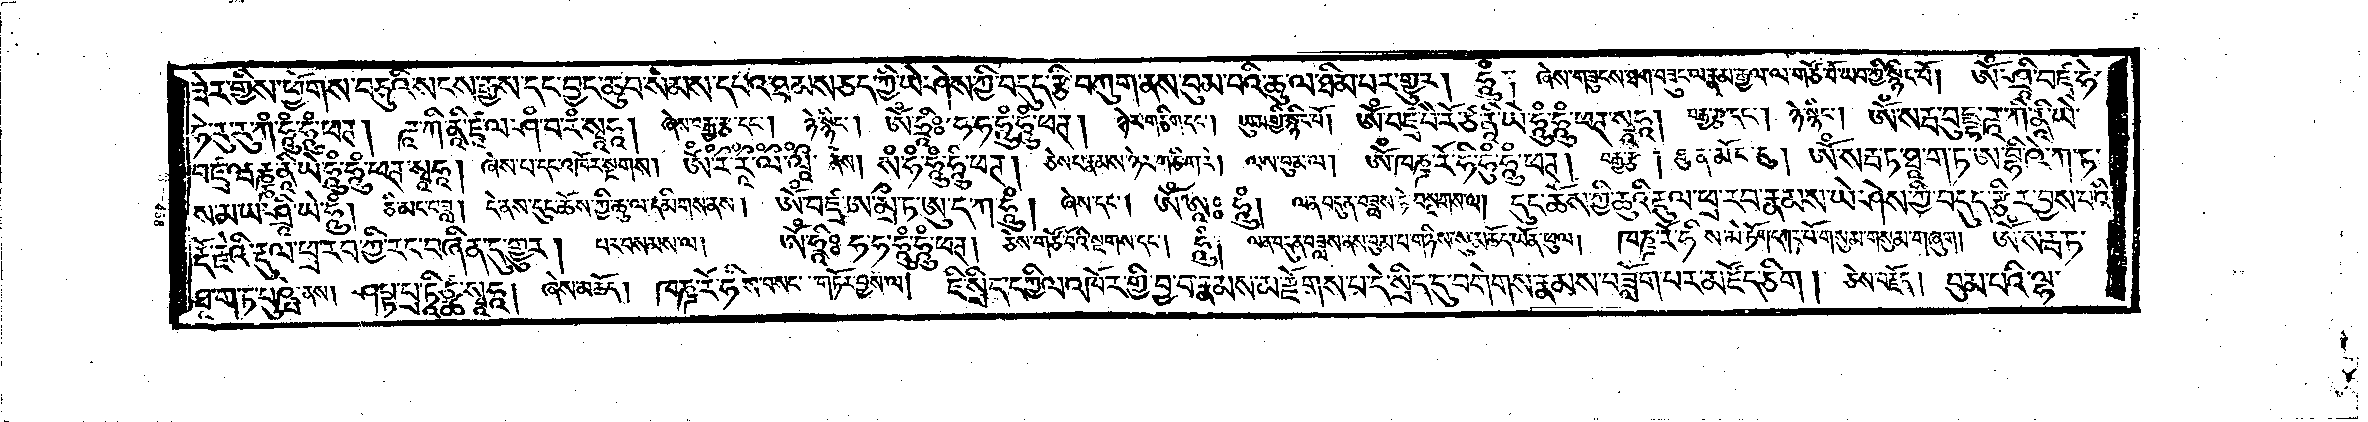ཟེར་གྱིས་ཕྱོགས་བཅུའི་སངས་རྒྱས་དང་བྱང་ཆུབ་སེམས་དཔའ་ཐམས་ཅད་ཀྱི་ཡེ་ཤེས་ཀྱི་བདུད་རྩི་བཀུག་ནས་བུམ་པའི་ཆུ་ལ་ཐིམ་པར་གྱུར། ཧཱུཾ༑ ཞེས་གཟུངས་ཐག་བཟུང་ལ་རྣམ་རྒྱལ་ལ་གཙོ་བོ་ཡབ་ཀྱི་སྙིང་པོ།  ཨོཾ་ཤྲཱི་བཛྲ་ཧེ་
ཧེ་རུ་རུ་ཀཾ་ཧཱུཾ་ཧཱུཾ་ཕཊ། ཌཱ་ཀི་ནཱི་ཛཱ་ལ་ཤཾ་བ་རཾ་སྭཱཧཱ། ཞེས་བརྒྱ་རྩ་དང་། ཉེ་སྙིང་།  ཨོཾ་ཧྲཱིཿཧ་ཧ་ཧཱུཾ་ཧཱུཾ་ཕཊ། ཉེར་གཅིག་དང་། ཡུམ་གྱི་སྙིང་པོ།  ཨོཾ་བཛྲ་པཻ་རོ་ཙ་ནཱི་ཡེ་ཧཱུཾ་ཧཱུཾ་ཕཊ་སྭཱཧཱ། བརྒྱ་རྩ་དང་།  ཉེ་སྙིང་། ཨོཾ་སརྦ་བུདྡྷ་ཌཱ་ཀི་ནཱི་ཡེ་
བཛྲ་ཝརྞྞ་ནཱི་ཡེ་ཧཱུཾ་ཧཱུཾ་ཕཊ་སྭཱཧཱ། ཞེས་པ་དང་འཁོར་སྔགས།  ཨོཾ་རྀཾ་རཱྀཾ་ལྀཾ་ལཱྀཾ་ནས། སཾ་ཧཾ་ཧཱུཾ་ཧཱུཾ་ཕཊ། ཅེས་པ་རྣམས་ཉེར་གཅིག་རེ། ལས་བུམ་ལ།  ཨོཾ་ཁཎྜ་རོ་ཧི་ཧཱུཾ་ཧཱུཾ་ཕཊ། བརྒྱ་རྩ་།ཐུན་མོང་དུ། ཨོཾ་སརྦ་ཏ་ཐཱ་ག་ཏ་ཨ་བྷི་ཥེ་ཀ་ཏ་
ས་མ་ཡ་ཤྲཱི་ཡེ་ཧཱུཾ། ཅི་མང་བཟླ། དེ་ནས་དུང་ཆོས་ཀྱི་ཆུ་ལ་དམིགས་ནས།  ཨོཾ་བཛྲ་ཨ་མྲྀ་ཏ་ཨུ་ད་ཀ་ཧཱུཾ། ཞེས་དང་།  ཨོཾ་ཨཱཿཧཱུཾ། ལན་བདུན་བཟླས་ཏེ་བསྔགས་ལ། དུང་ཆོས་ཀྱི་ཆུའི་རྡུལ་ཕྲ་རབ་རྣམས་ཡེ་ཤེས་ཀྱི་བདུད་རྩིར་བྱས་པའི་
རྡོ་རྗེའི་རྡུལ་ཕྲ་རབ་ཀྱི་རང་བཞིན་དུ་གྱུར། པར་བསམས་ལ།  ཨོཾ་ཧྲཱིཿཧ་ཧ་ཧཱུཾ་ཧཱུཾ་ཕཊ། ཅེས་གཙོ་བོའི་སྔགས་དང་།  ཧཱུཾ༑ ལན་བདུན་བཟླས་ནས་བུམ་པ་གཉིས་སུ་མཆོད་ཡོན་ཕུལ།  ཁཎྜ་རོ་ཧིས་མེ་ཏོག་དཀར་པོ་གསུམ་གསུམ་གཞུག།  ཨོཾ་སརྦ་ཏ་
ཐ་ག་ཏ་པུཥྤེ་ནས།  ཤཔྟ་པྲ་ཏཱིཙྪ་སྭཱཧཱ། ཞེས་མཆོད།  ཁཎྜ་རོ་ཧིས་བསང་གཏོར་བྱས་ལ།  ཧི་སྲིད་དཀྱིལ་འཁོར་གྱི་བྱ་བ་རྣམས་མ་རྫོགས་པ་དེ་སྲིད་དུ་བགེགས་རྣམས་བཟློག་པར་མཛོད་ཅིག། ཅེས་བརྗོད།  བུམ་པའི་ལྷ་
ད་ཨཱཿདམར་པོ། ཧཱུཾ་སྔོན་པོ་གསུམ་སྟེང་ནས་སྟེང་དུ་གནས་པ་ལས་འོད་ཟེར་འཕྲོས་པས། ཕྱོགས་བཅུ་ན་བཞུགས་པའི་དཔའ་བོ་དང་དཔའ་མོའི་དབང་ཕྱུག་མ་རྣམས་ཀྱི་ཐུགས་ཀའི་ས་བོན་ལས་ཡེ་ཤེས་
ཀྱི་བདུད་རྩི་བཀུག་པ་ཨོཾ་ཨཱཿཧཱུཾ་གསུམ་ལ་ཐིམ་ཞིང་། དེ་གསུམ་ཡང་རིམ་གྱིས་ཞུ་བ་ཐོད་པར་ཐིམ་པར་གྱུར། ཨོཾ་ཨཱཿཧཱུཾ། ལན་གསུམ། མཆོད་པ་བྱིན་གྱིས་བརླབ་པ་ནི།  ཨོཾ་ཁཎྜ་རོ་ཧི་ཧཱུཾ་ཧཱུཾ་ཕཊ། ཨོཾ་སྭ་བྷཱ་ཝ་ཤུདྡྷཱཿསརྦ་
དྷརྨཱཿསྭ་བྷཱ་ཝ་ཤུདྡྷོཉཧཾ། སྟོང་པ་ཉིད་དུ་གྱུར། སྟོང་པའི་ངང་ལས་ཀཾ་ལས་བྱུང་བའི་ཐོད་བ་ཡངས་ཤིང་རྒྱ་ཆེ་བ་རྣམས་ཀྱི་ནང་དུ་ཧཱུཾ་ལས་བྱུང་བའི་མཆོད་ཡོན། ཞབས་བསིལ། ཞལ་བསིལ། བསང་གཏོར།
མེ་ཏོག། བདུག་སྤོས། མར་མེ། དྲི༑ ཞལ་ཟས། རོལ་མོ་ལ་སོགས་པ་རྣམས་རང་བཞིན་སྟོང་ཉིད། རྣམ་པ་མཆོད་རྫས་སོ་སོའི་རྣམ་པ་ཅན། བྱེད་ལས་དབང་པོ་དྲུག་གི་སྤྱོད་ཡུལ་དུ་ཟག་པ་མེད་པའི་བདེ་བ་
ཁྱད་པར་ཅན་སྟར་བར་གྱུར། ཨོཾ་ཨརྒྷཾ་ཨཱཿཧཱུཾ། ཨོཾ་པཱདྱཾ་ཨཱཿཧཱུཾ། ཨོཾ་ཨཱཉྩ་མཱནཾ་ཨཱཿཧཱུཾ། ཨོཾ་པྲོཀྵ་ཎཾ་ཨཱཿཧཱུཾ། ཨོཾ་བཛྲ་པུཥྤེ་ཨཱཿཧཱུཾ། ཨོཾ་བཛྲ་དྷཱུ་པེ་ཨཱཿཧཱུཾ་ཨོཾ་བཛྲ་དཱི་པེ་ཨཱཿཧཱུཾ། ཨོཾ་བཛྲ་གནྡྷེ་ཨཱཿཧཱུཾ། ཨོཾ་བཛྲ་